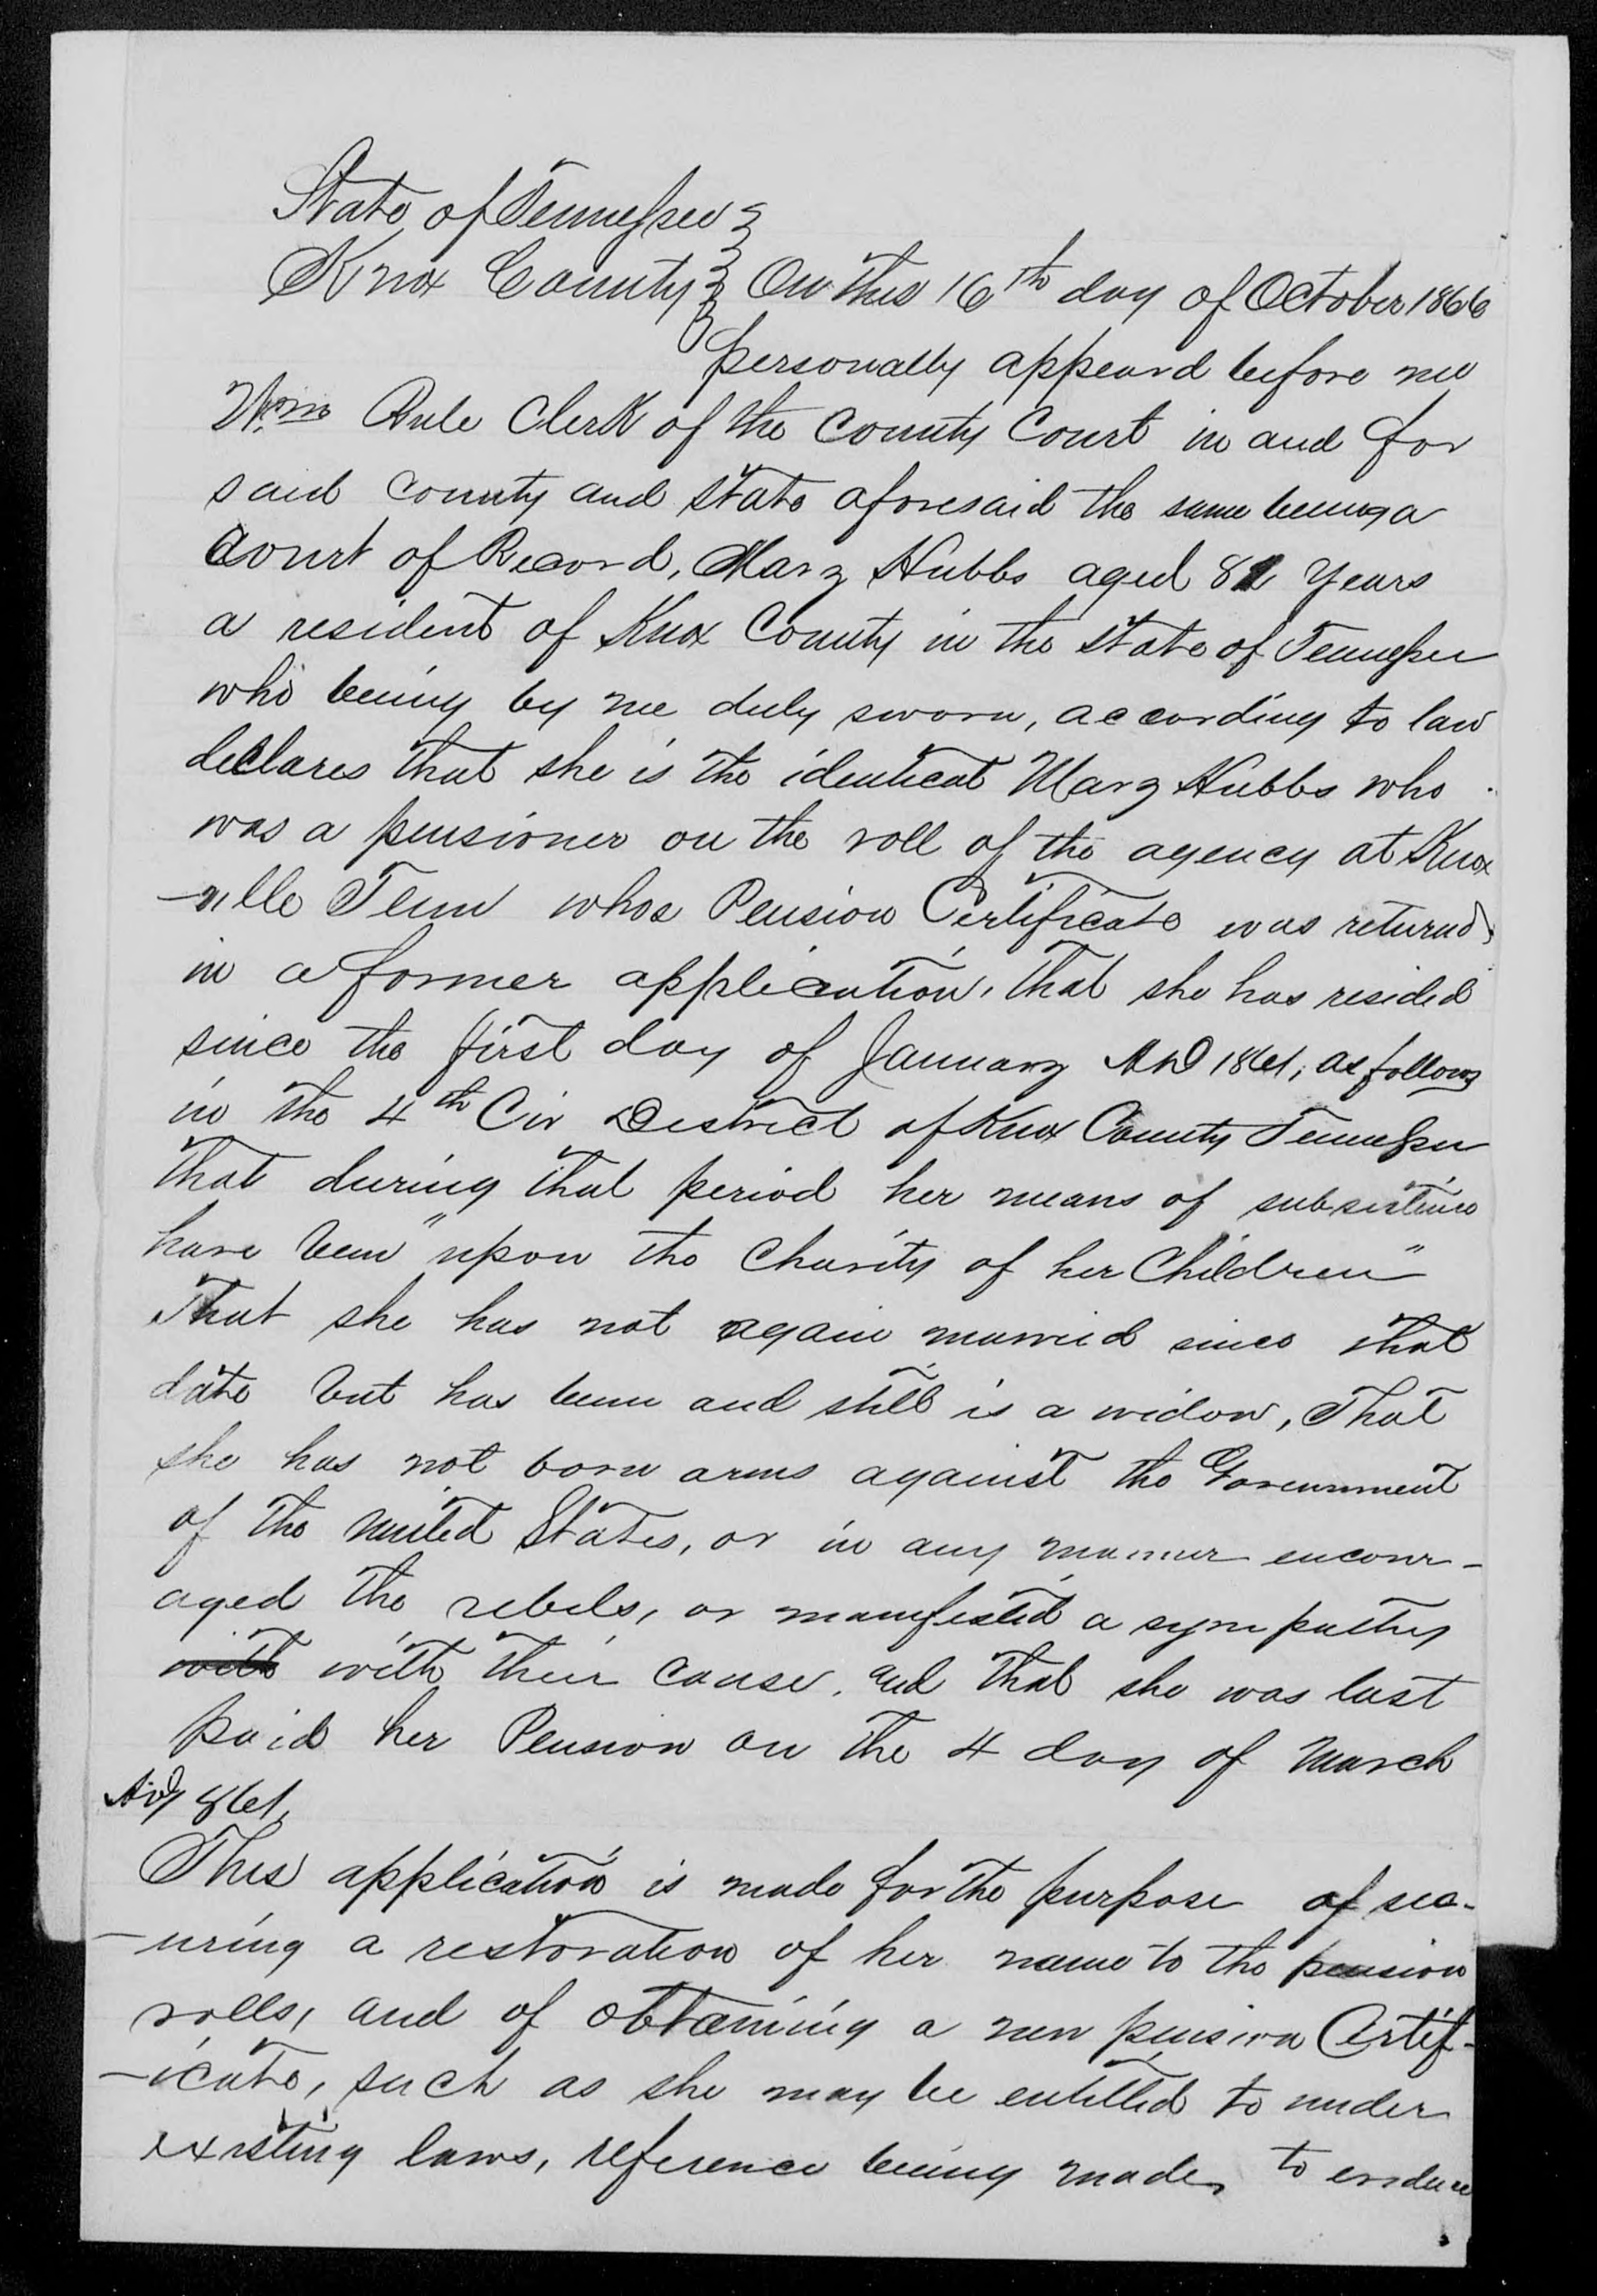State of Tennessee
Smith County

On this 16th day of October 1866

Personally appeared before me, Thos. Pate, Clerk of the County Court in and for said County and State aforesaid, the same being a Court of Record, Mary Stubbs, aged 84 years, a resident of said County in the State of Tennessee, who, being by me duly sworn according to law, declares that she is the identical Mary Stubbs who was a pensioner on the roll of the agency at Knoxville, Tenn., whose Pension Certificate was returned in a former application; that she has resided since the first day of January A.D. 1861, as follows: in the 4th Civil District of Smith County, Tennessee; that during that period her means of subsistence have been upon the charity of her children; that she has not again married since that date, but has been and still is a widow; that she has not borne arms against the Government of the United States, or in any manner encouraged the rebels, or manifested a sympathy with their cause, and that she was last paid her pension on the 4th day of March 1861.

This application is made for the purpose of securing a restoration of her name to the pension rolls and of obtaining a new Pension Certificate, such as she may be entitled to under existing laws, reference being made to orders...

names: Mary Hubbs, Wm Rule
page: 84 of 86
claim: widow's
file: W. 1035, John Hubbs, S.C.